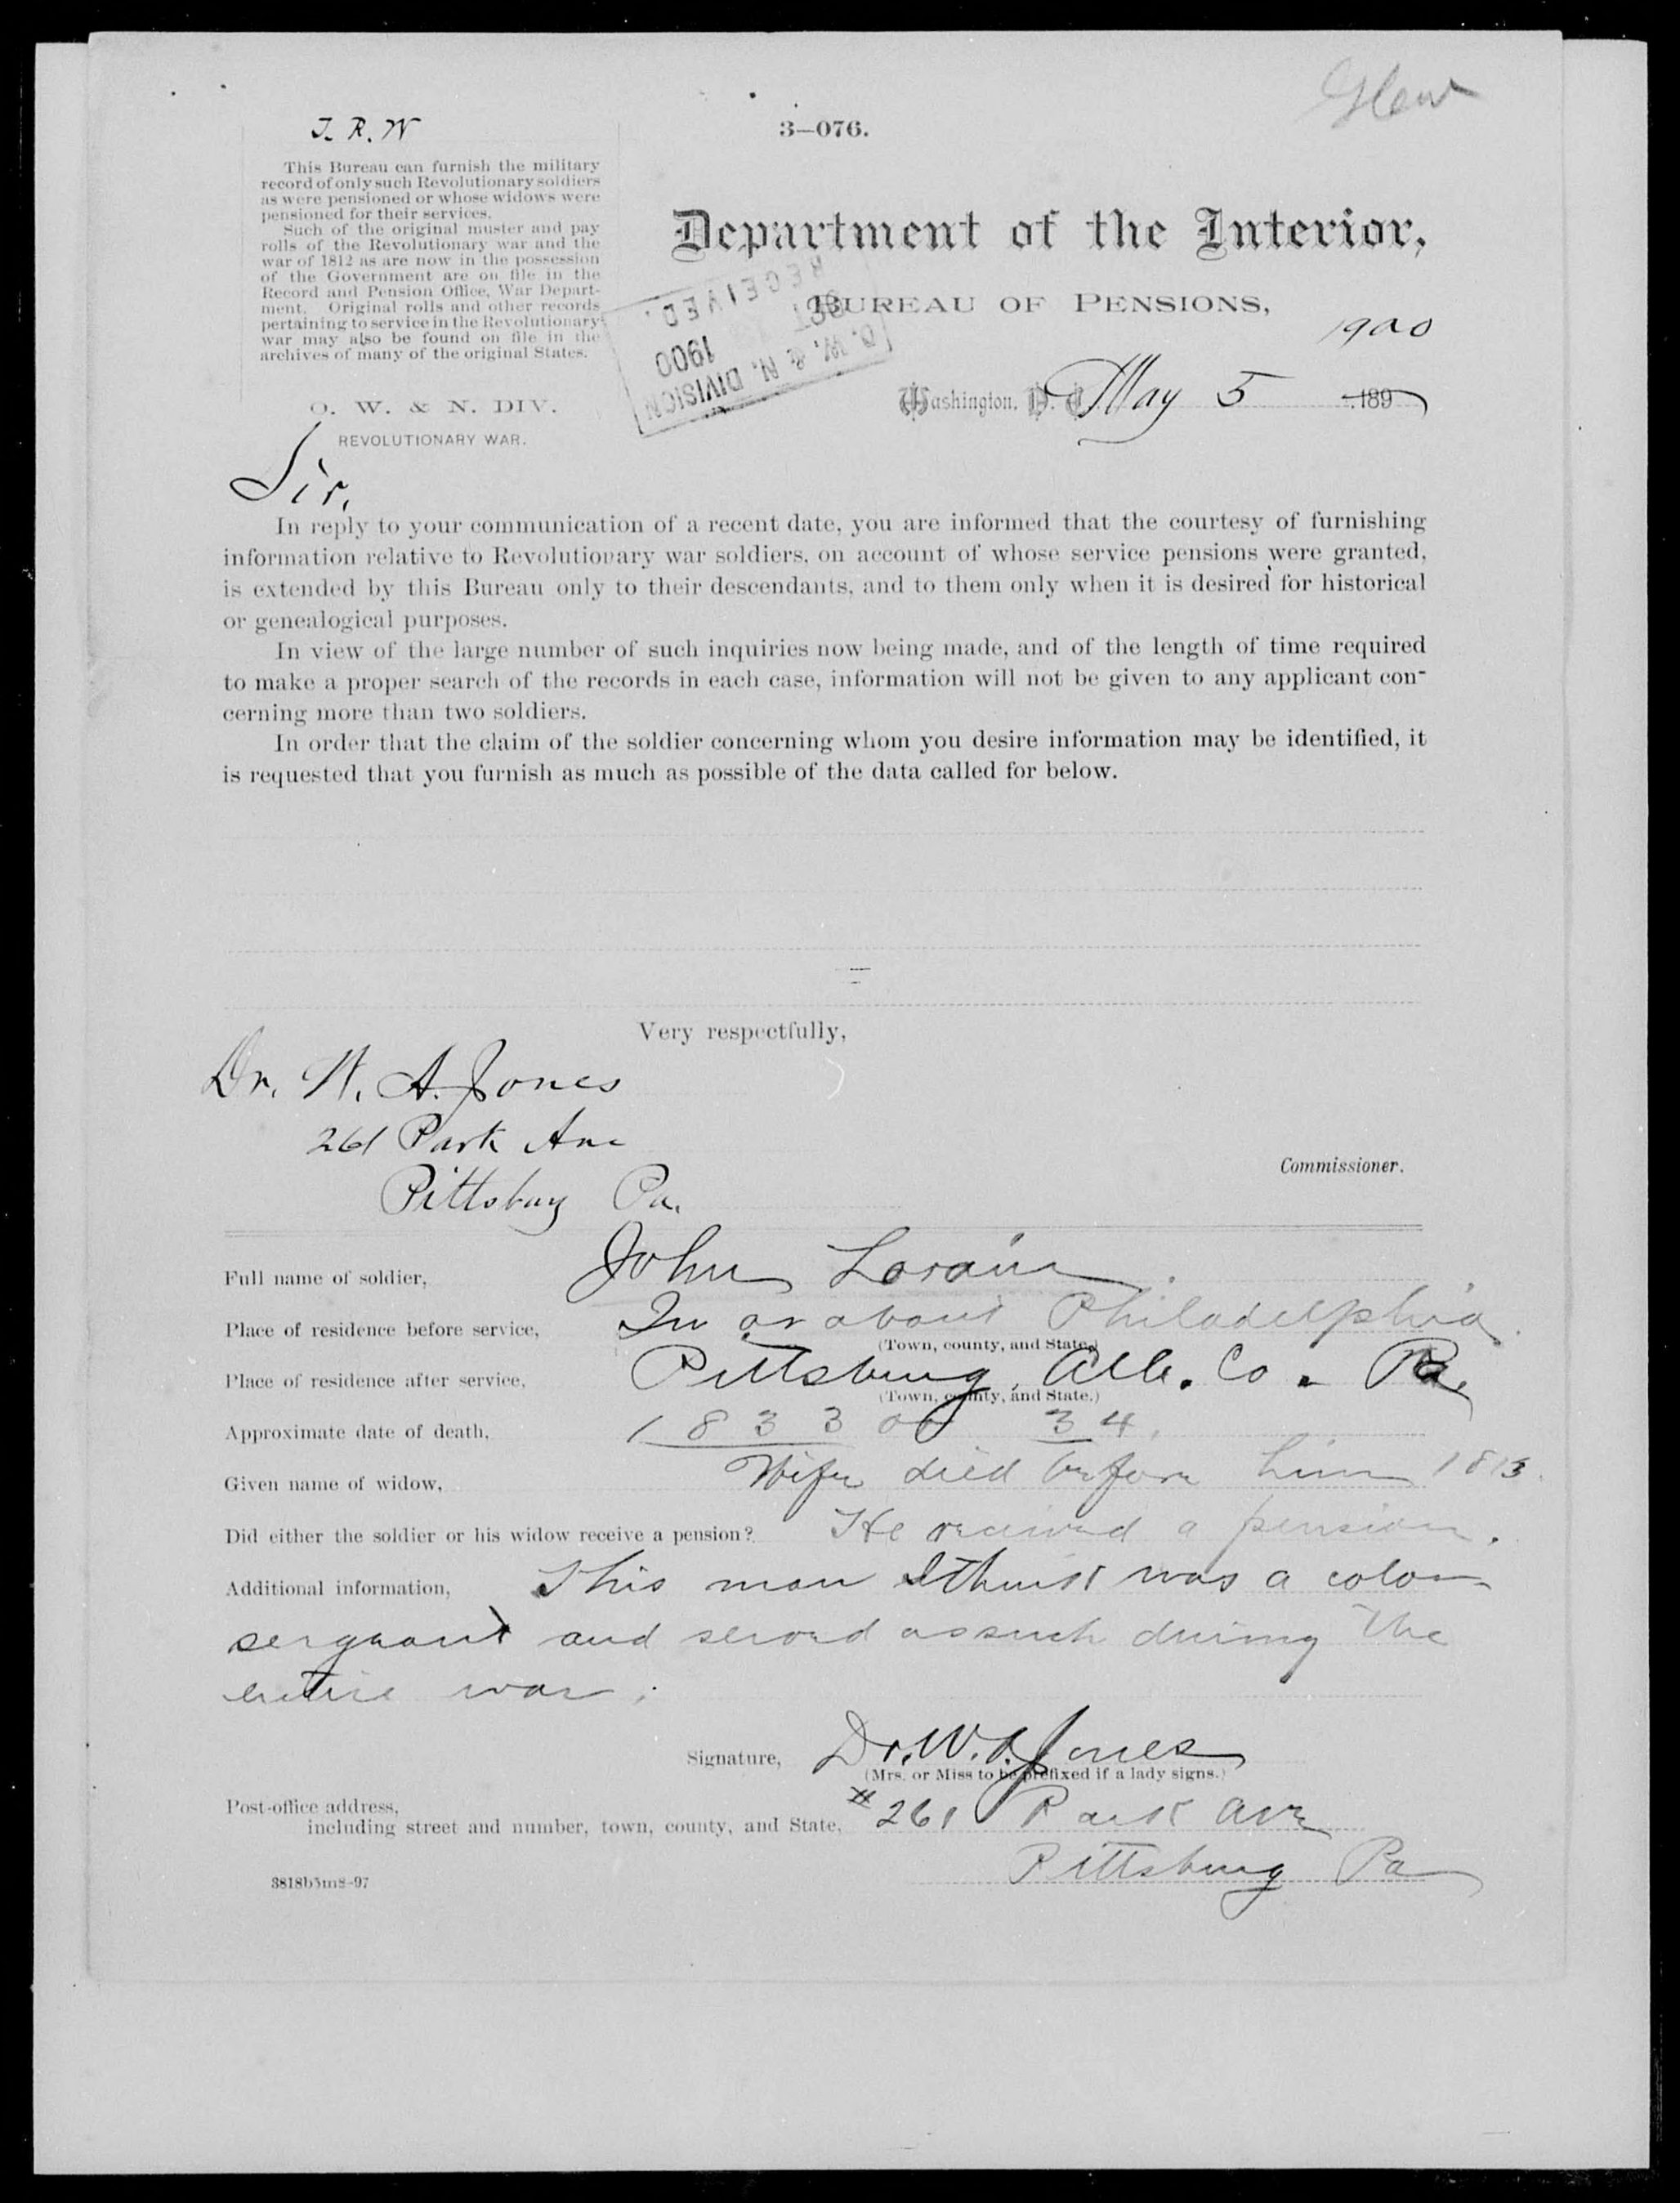J.R.W.

This Bureau can furnish the military record of only such Revolutionary soldiers as were pensioned or whose widows were pensioned for their services.
Such of the original muster and pay rolls of the Revolutionary war and the war of 1812 as are now in the possession of the Government are on file in the Record and Pension Office, War Department.  Original rolls and other records pertaining to service in the Revolutionary war may also be found on file in the archives of many of the original States.
O.W. & N DIV.

3-076.

Glen

Department of the Interior,
Bureau of Pensions. 
Washington, D.C.  May 5, 1900

[Document stamped with rectangular stamp which reads]:   O. W. & N. DIVISION
[illegible] 1900
RECEIVED 

O. W. & N. DIV.
REVOLUTIONARY WAR.

Sir, 
In reply to your communication of a recent date, you are informed that the courtesy of furnishing information relative to Revolutionary war soldiers, on account of whose service pensions were granted, is extended by this Bureau only to their descendants, and to them only when it is desired for historical or genealogical purposes.
In view of the large number of such inquiries now being made, and of the length of time required to make a proper search of the records in each case, information will not be given to any applicant concerning more than two soldiers.
In order that the claim of the soldier concerning whom you desire information may be identified, it is requested that you furnish as much as possible of the data called for below.
Very respectfully,
Dr/ W. A. Jones
261 Park Ave
Pittsburg Pa.  
Commissioner

Full name of soldier,     John Lorain

Place of residence before service,   In as above Philadelphia

Place of residence after service,   Pittsburg, Alle. Co. Pa.

Approximate date of death,     1833 or 34

Given name of widow,     Wife died before him 1813

Did either the soldier or his widow receive a pension?   He received a pension .

Additional information,   This man I think was a color sergeant and served as such during the entire war.

Signature,   Dr. w.a. Jones
(Mrs. or Miss to be prefixed if a lady signs.)

Post-office address, including street and number, town, county, and state,    #261 Park Ave.  Pittsburg Pa


3818b5m8-97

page: 14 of 21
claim: survivor's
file: S. 40,098, for John Lorain, Pennsylvania